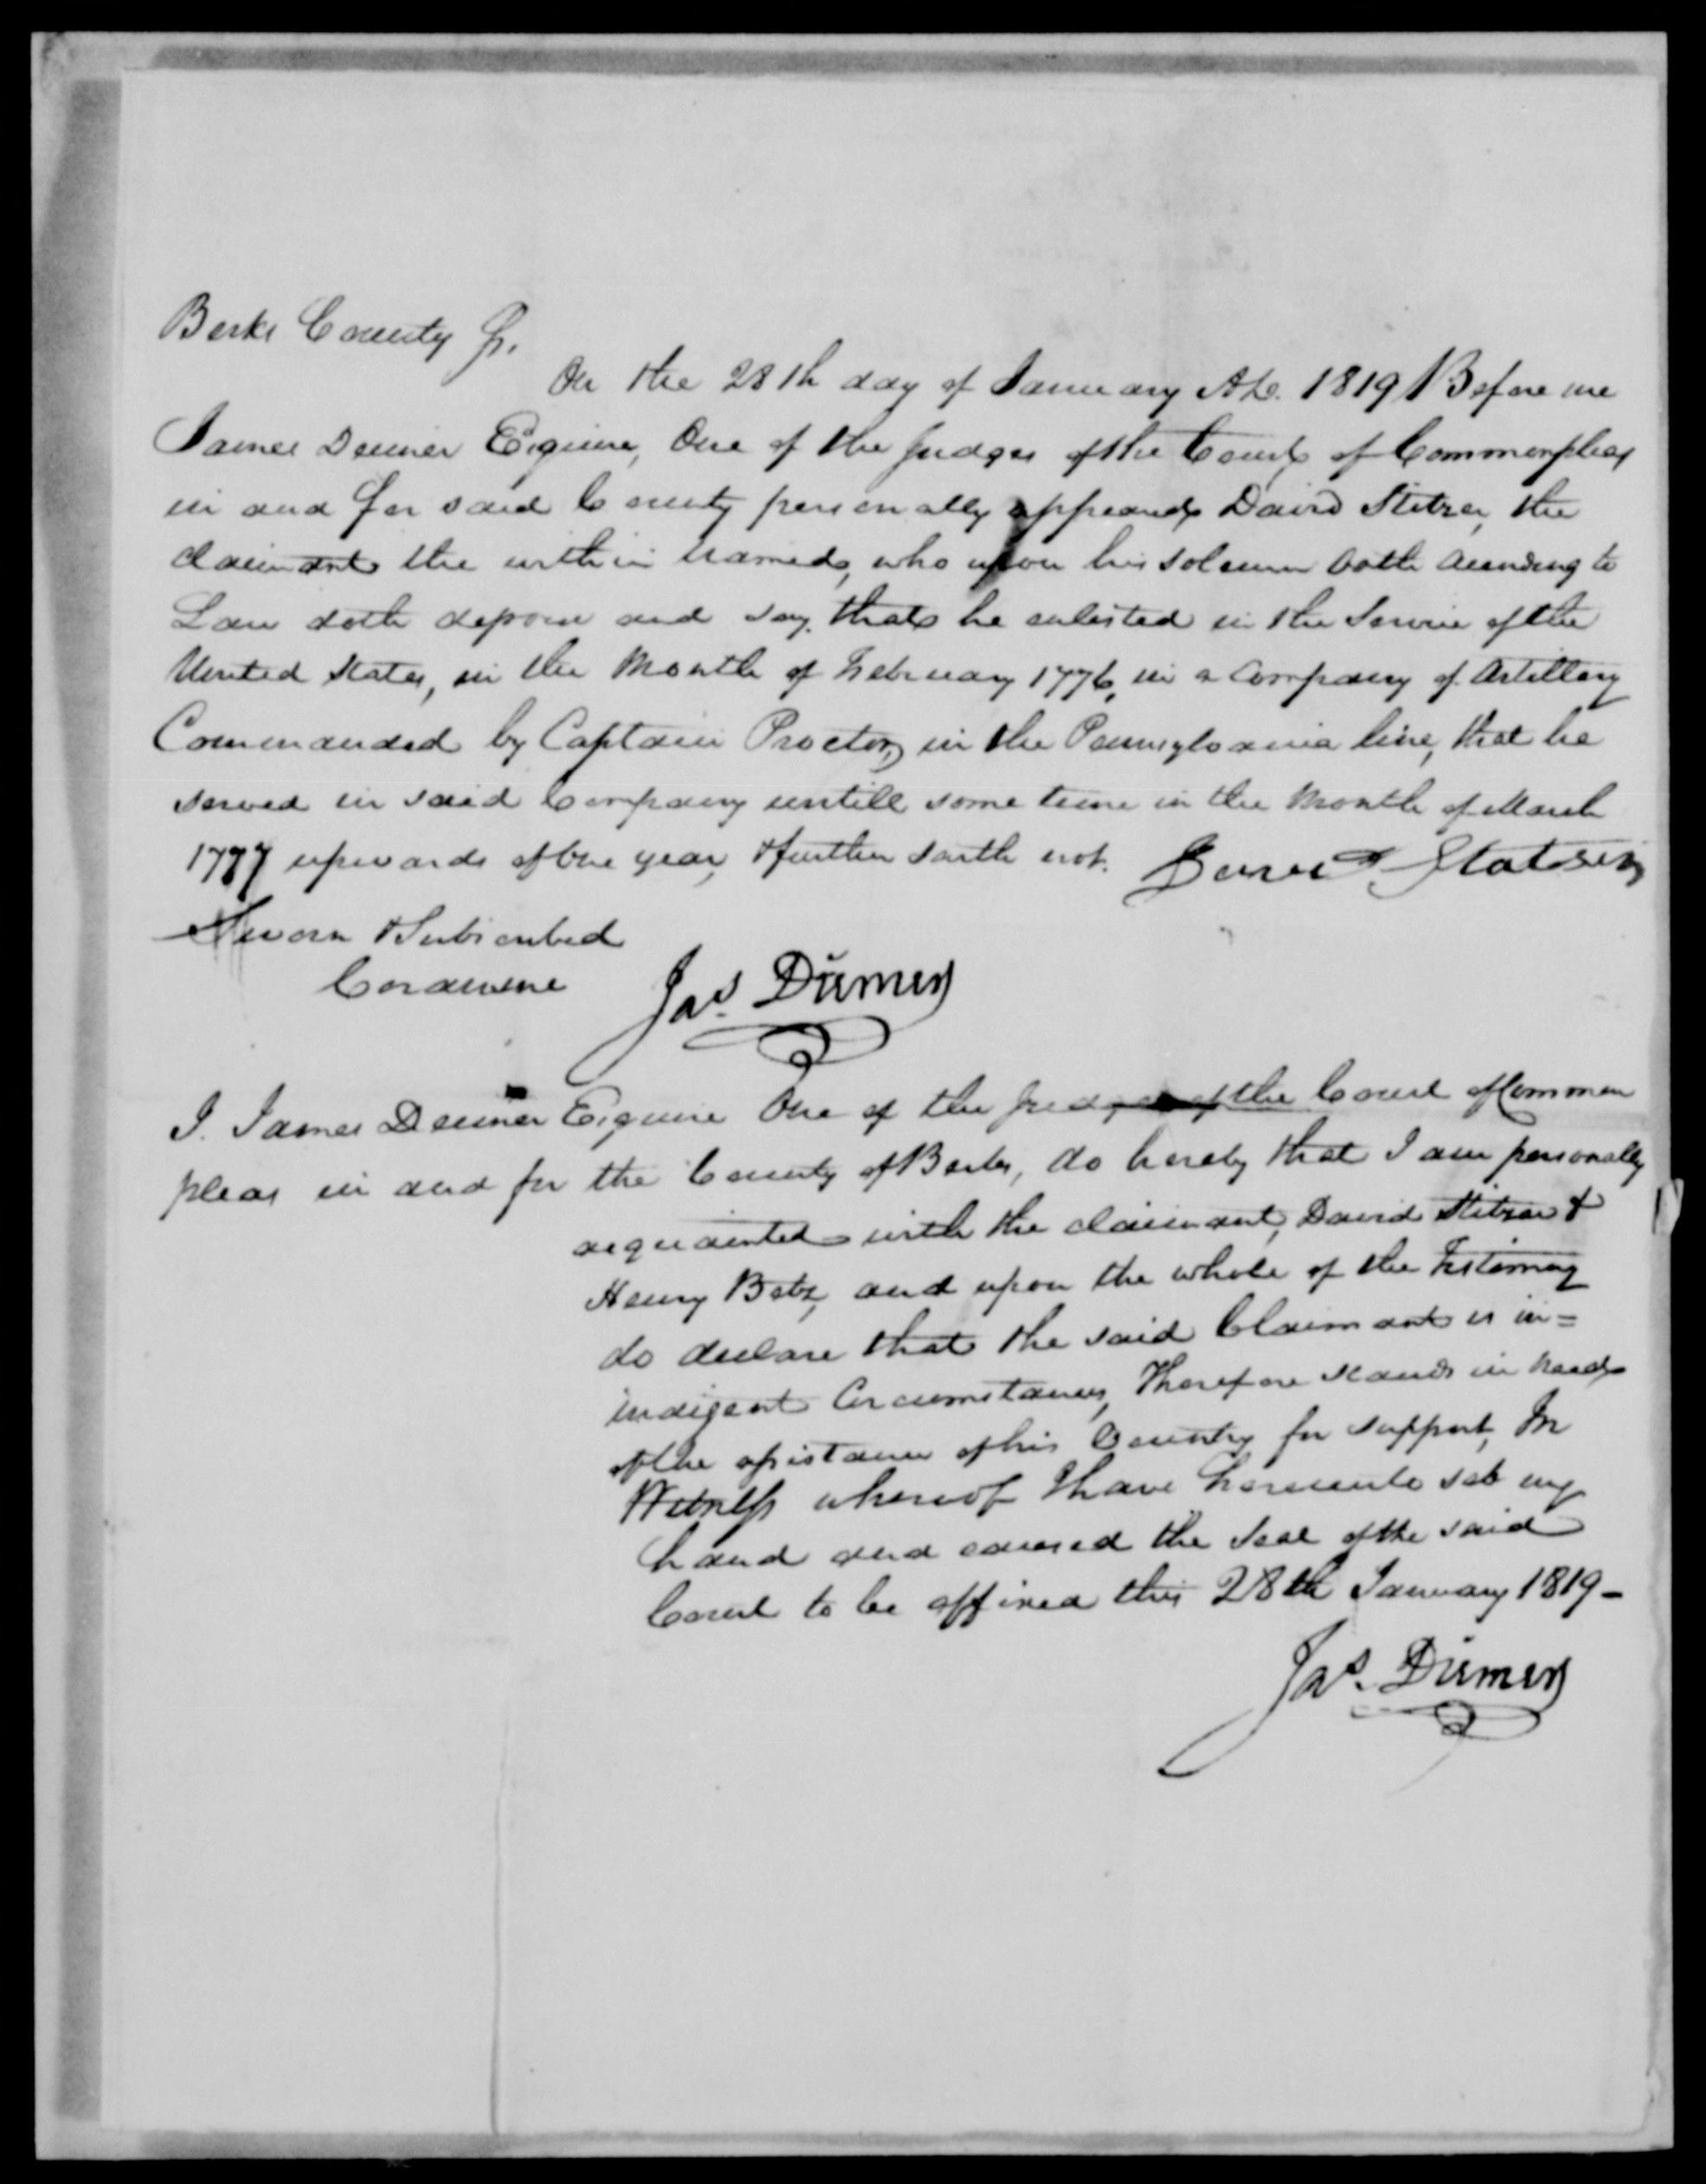Berks County, Ss.
On the 28th day of January AD. 1819, before me, James Deiner, Esquire, one of the Judges of the Court of Common pleas in and for said County,  personally appeared David Statser, the claimant the within named, who upon his solemn oath according to Law doth depose and say that he enlisted in the service of the United States, in the month of February 1776, in a company of Artillery commanded by Captain Proctor in the Pennsylvania line, that he served in said Company until sometime in the month of March 1777, upwards of one year and further saith not. 
David Statser
Sworn and Subscribed
[illegible]
Jas. Diemer
I, James Diemer, Esquire, one of the Judges of the Court of Common pleas in and for the County of Berks, do hereby that I am personally acquainted with the claimant, David Statser, and Henry Betz, and upon the whole of the testimony do declare that the said Claimant is in indigent circumstances, therefore stands in need of the assistance of his Country for support. In Witness whereof, I have hereunto set my hand and ordered the seal of the said Court to be affixed this 28th January 1819.
Jas. Diemer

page: 10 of 28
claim: widow's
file: W. 3163, for David Statser, Pennsylvania